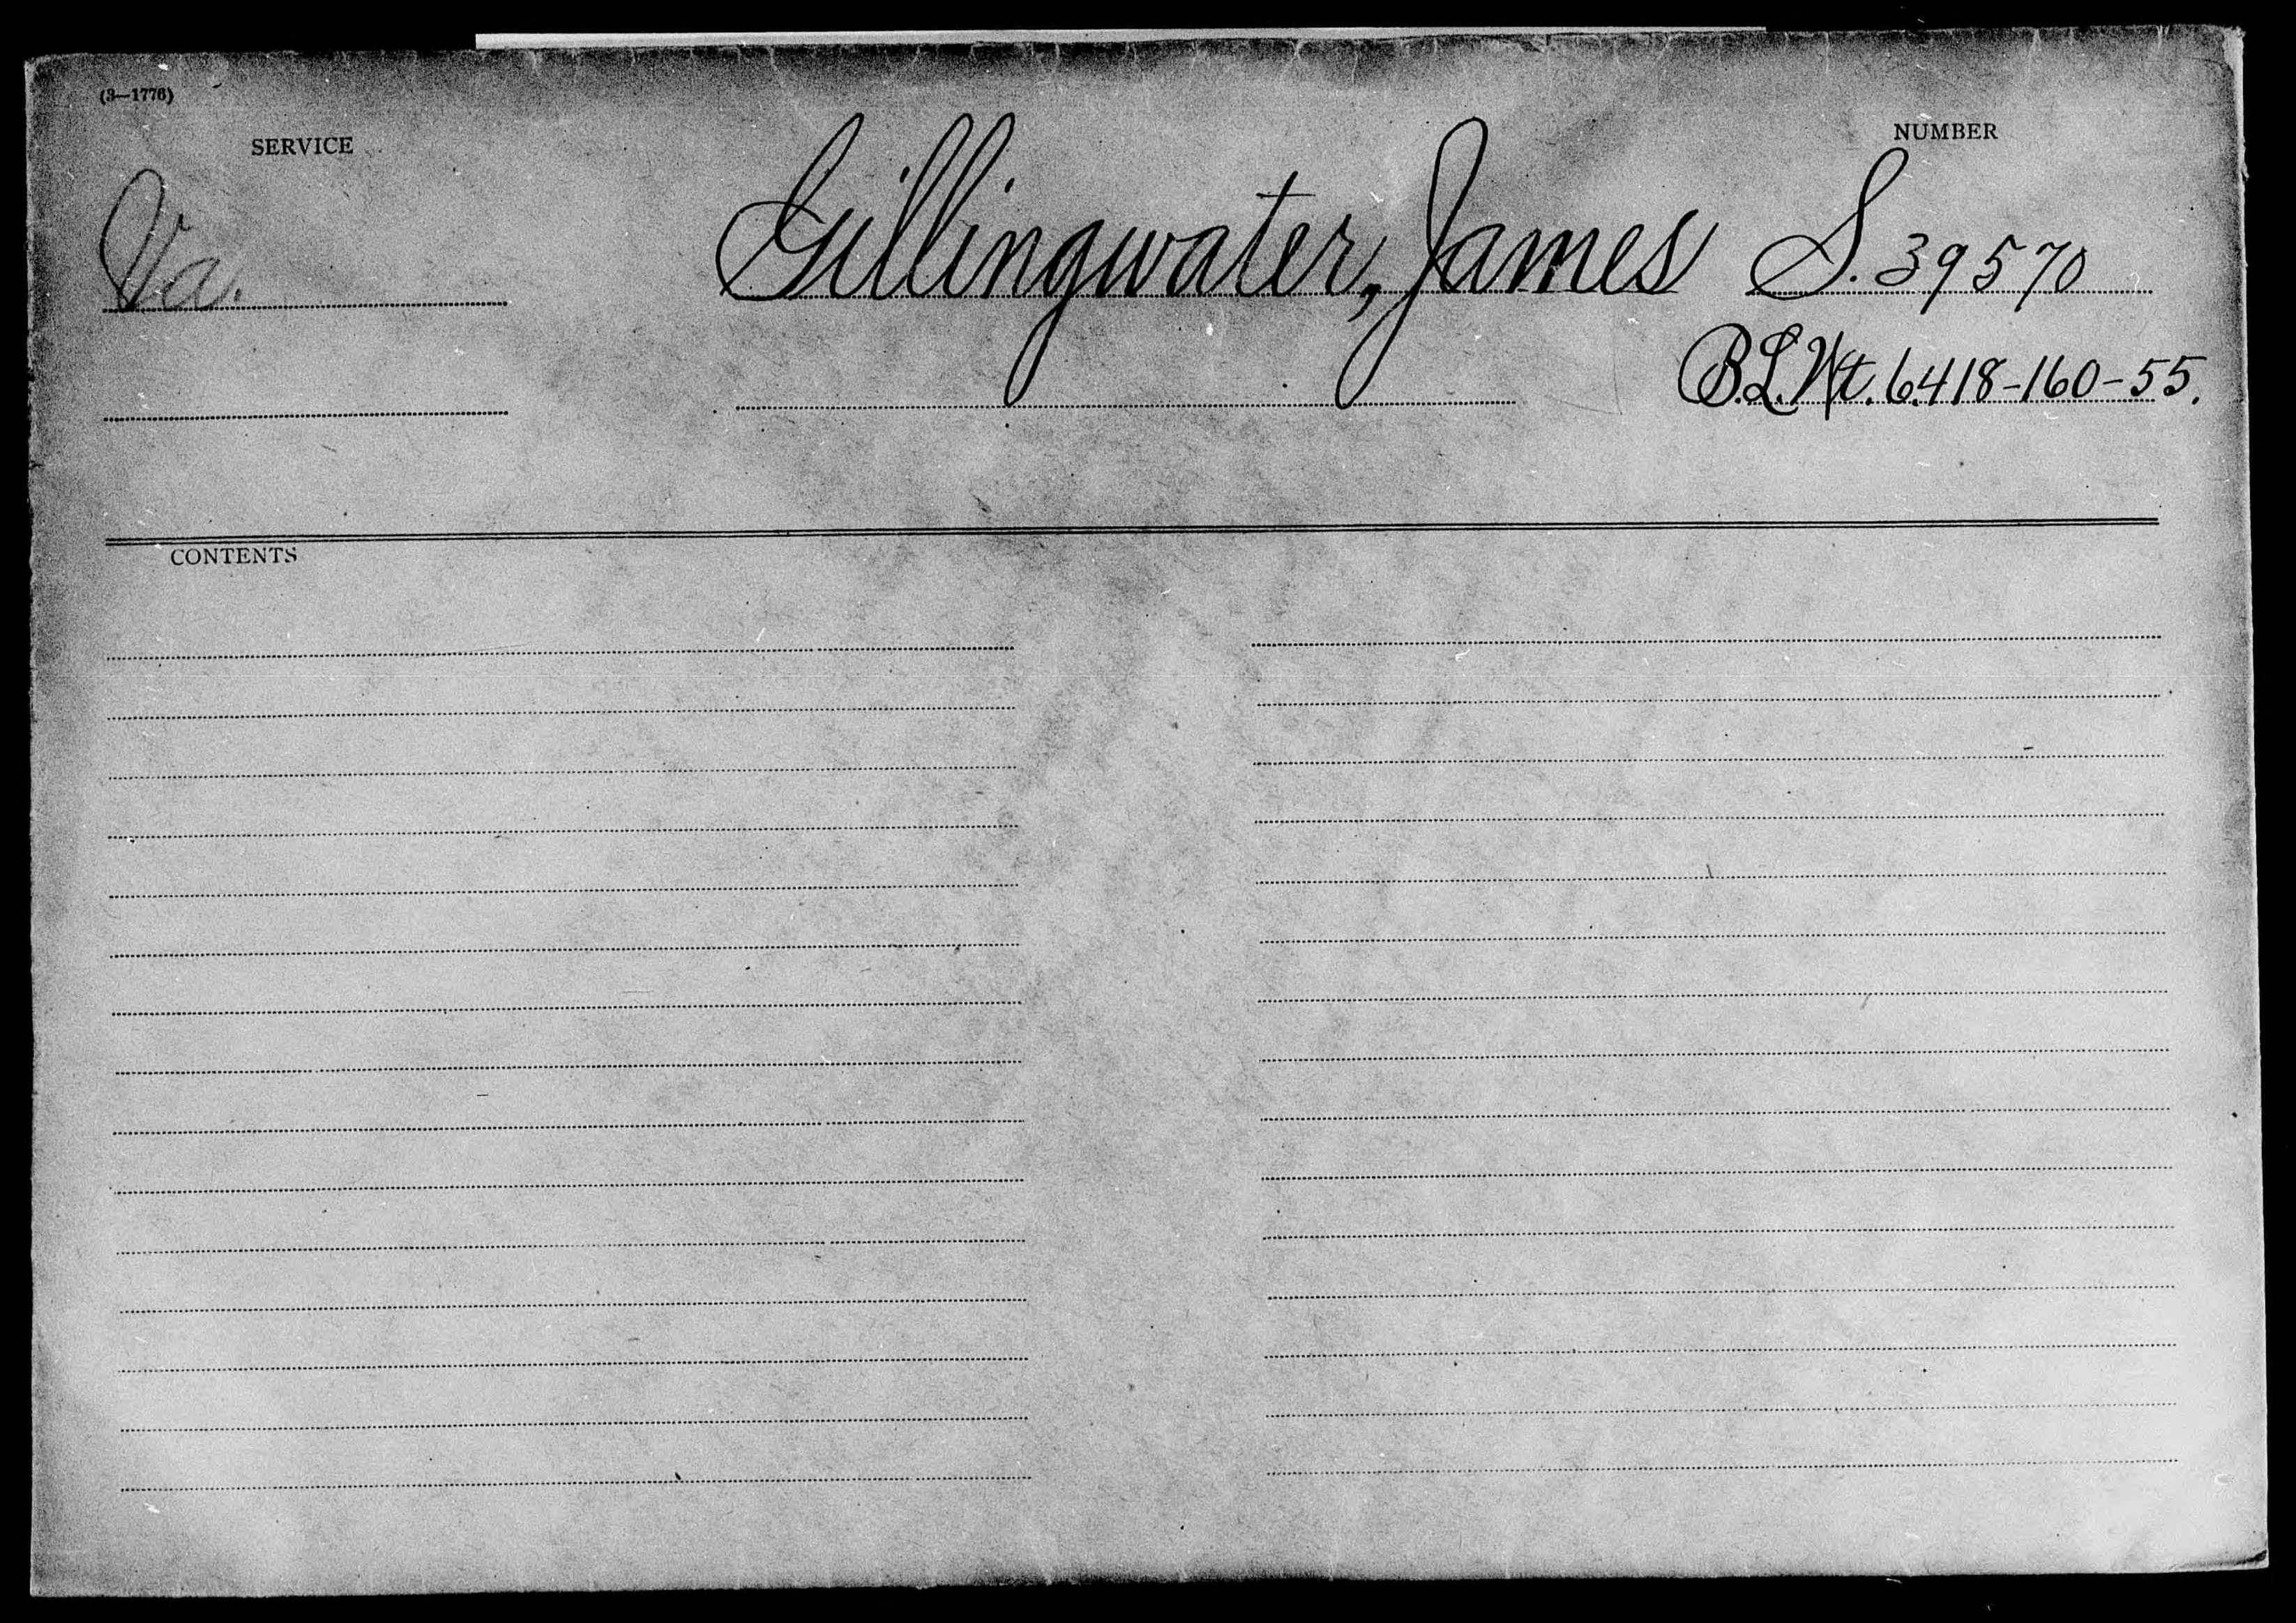(3-1776)
SERVICE NUMBER
Va.
Gillingwater, James 
S. 39570
B. L. Wt. 6418-160-55.
CONTENTS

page: 1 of 36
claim: survivor's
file: S. 39570, James Gillingwater, Va.